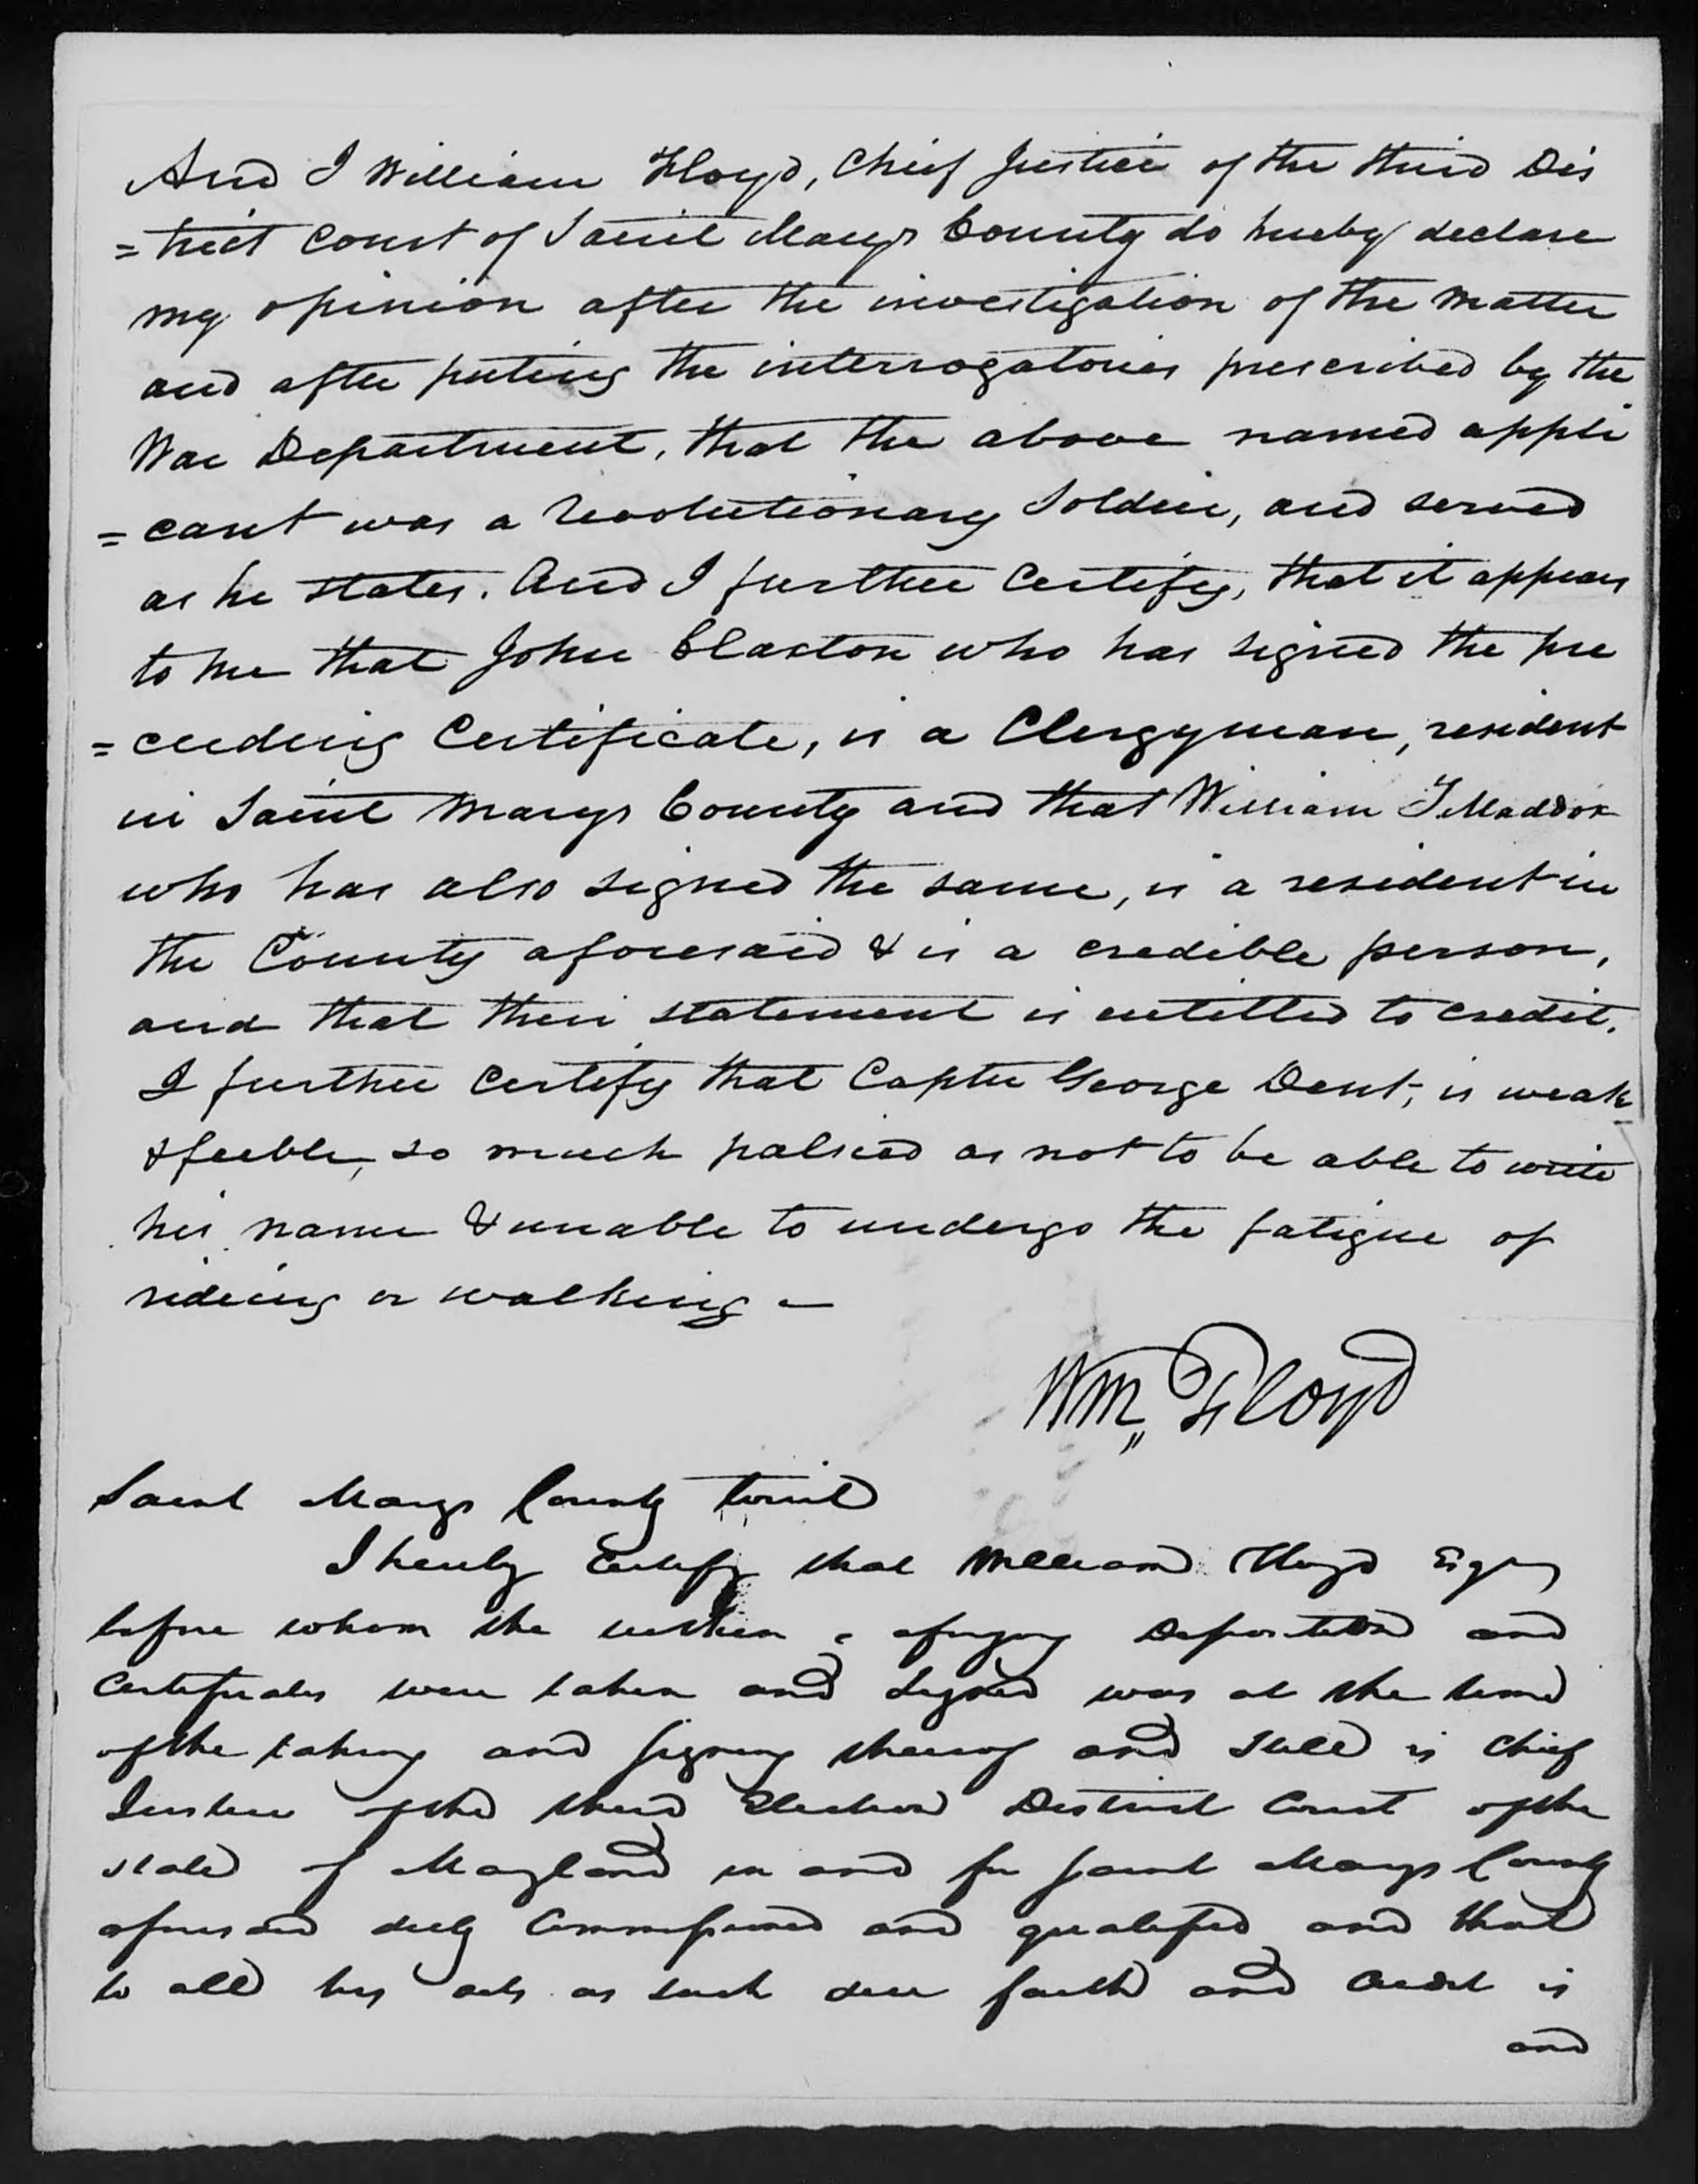And I William Floyd, Chief Justice of the third District Court of Saint Marys County do hereby declare my opinion after the investigation of the matter and after putting the interrogatories prescribed by the War Department, that the above named applicant was a revolutionary soldier, and served as he states. And I further certify, that it appears to me that John Claxton who has signed the preceeding certificate, is a Clergyman, resident in Saint Marys County and that William T. Maddox who has also signed the same, is a resident in the County aforesaid & is a credible person, and that their statement is entitled to credit.
I further certify the Captn George Dent, is weak & feeble, so much palsied as not to be able to write his name & unable to undergo the fatigue of rideing or walking - 
Wm. Floyd

Saint Marys County to wit
I hereby certify that William Floyd Esq before whom the within [illegible] deposition and certificates were taken and signed was at the time of the taking and signing thereof and still is chief Justice of the third [illegible] District Court of the state of Maryland in and for Saint Marys County aforesaid duly commissioned and qualified and that to all by [illegible] as such due faith and credit is and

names: Wm Floyd, George Dent, William Floyd, William Floyd, John Claxton, William T Maddox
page: 5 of 49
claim: survivor's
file: S. 12755, George Dent, Md.